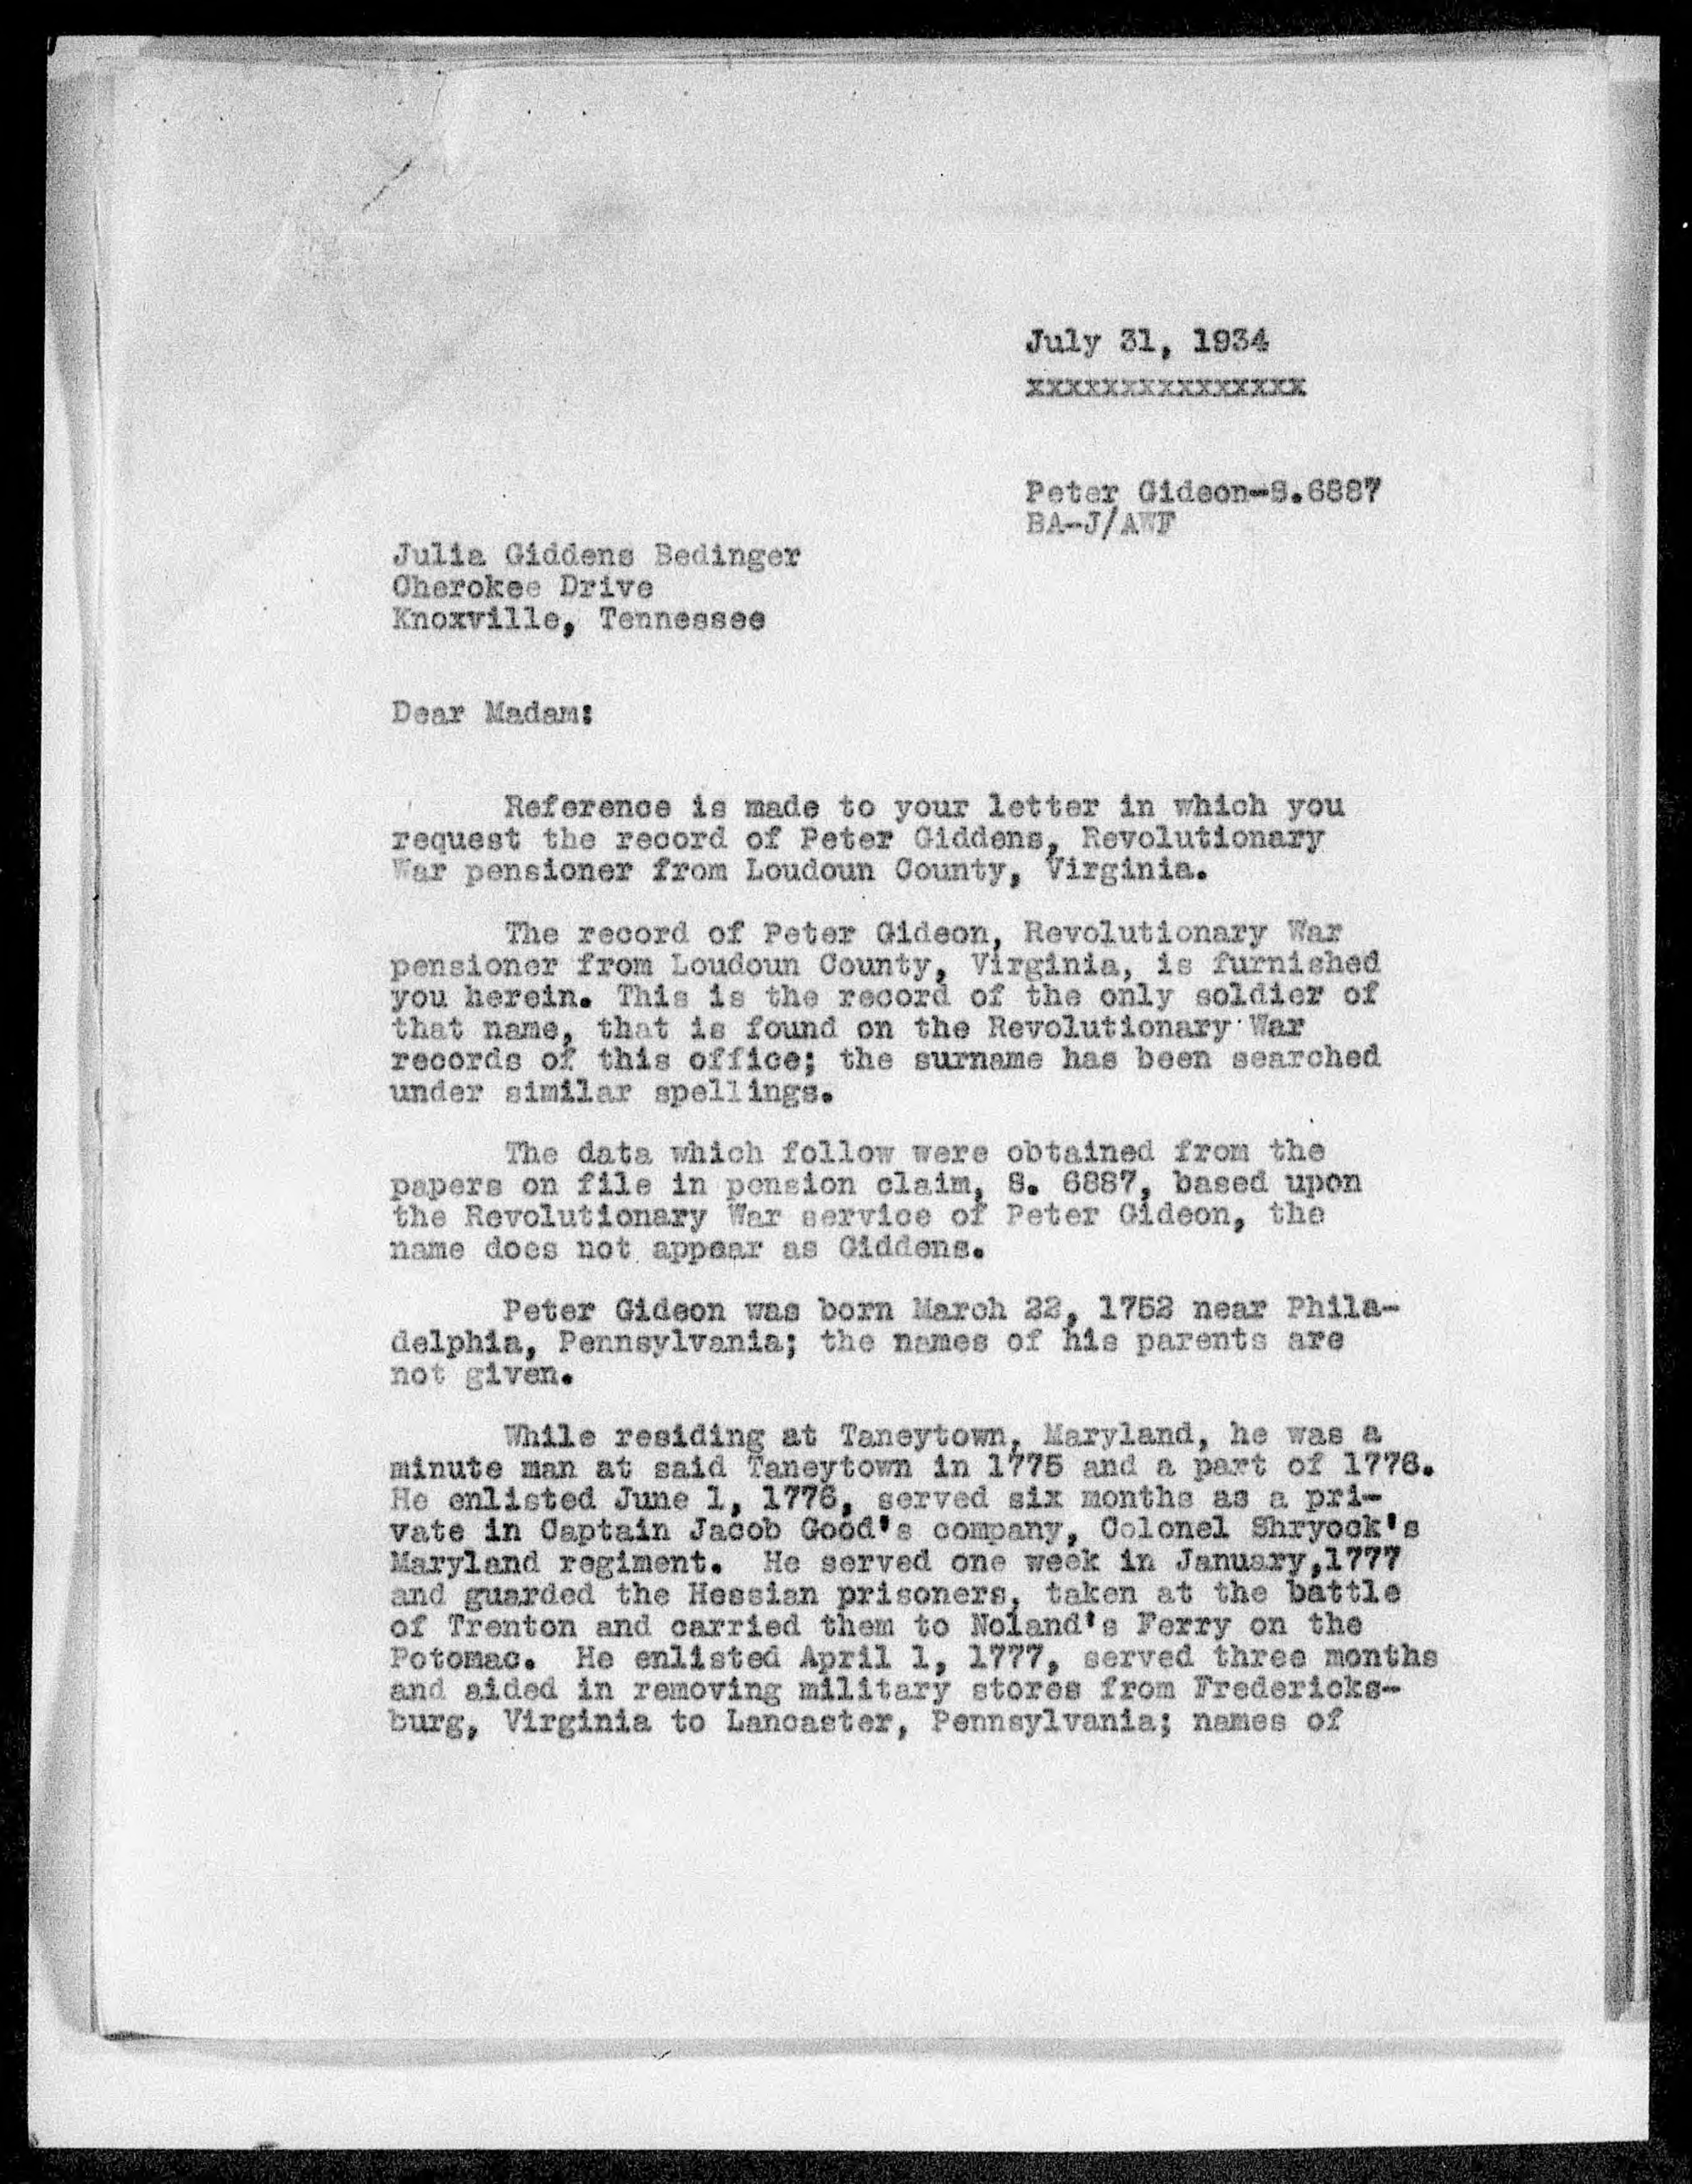July 31, 1934
XXXXXXXXXXXXXX
Peter Gideon. 6887
BA-J/AWF

Julia Giddens Bedinger
Cherokee Drive
Knoxville, Tennessee

Dear Madam:

Reference is made to your letter in which you
request the record of Peter Giddens, Revolutionary War pensioner from Loudoun County, Virginia.
The record of Peter Gideon, Revolutionary War
pensioner from Loudoun County, Virginia, is furnished you herein. This is the record of the only soldier of that name, that is found on the Revolutionary War records of this office; the surname has been searched under similar spellings.
The data which follow were obtained from the
papers on file in pension claim, S. 6887, based upon the Revolutionary War service of Peter Gideon, the name does not appear as Giddens.

Peter Gideon was born March 22, 1752 near Philadelphia, Pennsylvania; the names of his parents are not given.

While residing at Taneytown, Maryland, he was a minute man at said Taneytown in 1775 and a part of 1776. He enlisted June 1, 1776, served six months as a private in Captain Jacob Good's company, Colonel Shryock's Maryland regiment. He served one week in January, 1777
and guarded the Hessian prisoners, taken at the battle of Trenton and carried them to Noland's Ferry on the Potomac. He enlisted April 1, 1777, served three months and aided in removing military stores from Fredericksburg, Virginia to Lancaster, Pennsylvania; names of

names: Peter Gideon, Peter Gideon, Peter Gideon, Giddens, Julia Giddens Bedinger, Peter Gideon, Peter Giddens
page: 56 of 64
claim: survivor's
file: S. 6887, Peter Gideon, Md.